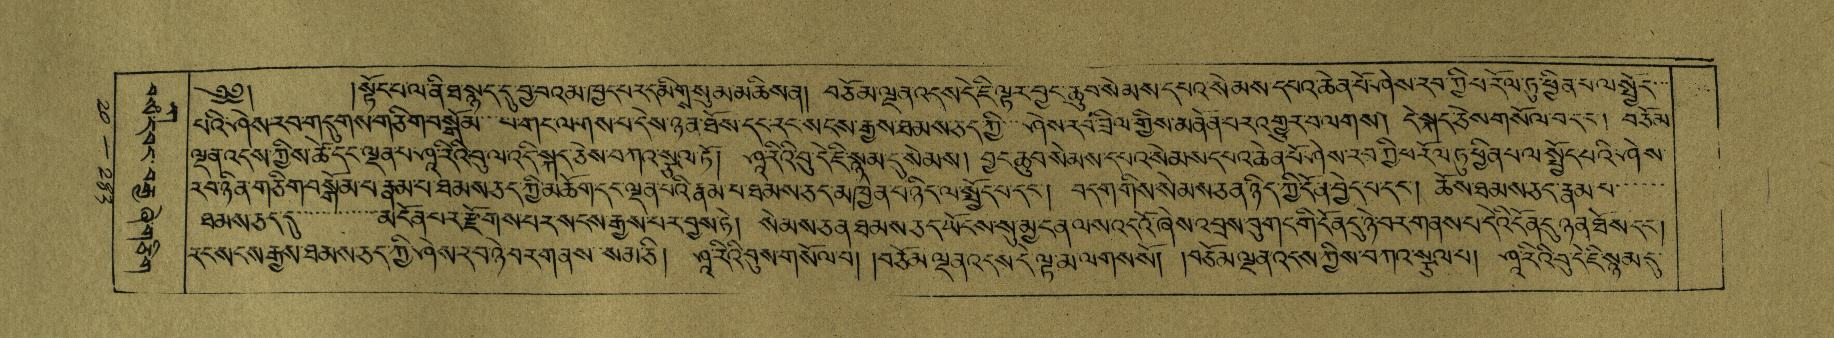༄༅། །སྟོང་པ་ལ་ནི་ཐ་སྙད་དུ་བྱ་བའམ་ཁྱད་པར་དམིགས་སུ་མ་མཆིས་ན། བཅོམ་ལྡན་འདས་དེ་ཇི་ལྟར་བྱང་ཆུབ་སེམས་དཔའ་སེམས་དཔའ་ཆེན་པོ་ཤེས་རབ་ཀྱི་ཕ་རོལ་ཏུ་ཕྱིན་པ་ལ་སྤྱོད་
པའི་ཤེས་རབ་གདུགས་གཅིག་བསྒོམ་པ་གང་ལགས་པ་དེས་ཉན་ཐོས་དང་རང་སངས་རྒྱས་ཐམས་ཅད་ཀྱི་ཤེས་རབ་ཟིལ་གྱིས་མནོན་པར་འགྱུར་བ་ལགས། དེ་སྐད་ཅེས་གསོལ་བ་དང་། བཅོམ་
ལྡན་འདས་ཀྱིས་ཚེ་དང་ལྡན་པ་ཤཱ་རིའི་བུ་ལ་འདི་སྐད་ཅེས་བཀའ་སྩལ་ཏོ། ཤཱ་རིའི་བུ་དེ་ཇི་སྙམ་དུ་སེམས། བྱང་ཆུབ་སེམས་དཔའ་སེམས་དཔའ་ཆེན་པོ་ཤེས་རབ་ཀྱི་ཕ་རོལ་ཏུ་ཕྱིན་པ་ལ་སྤྱོད་པའི་ཤེས་
རབ་ཉིན་གཅིག་བསྒོམ་པ་རྣམ་པ་ཐམས་ཅད་ཀྱི་མཆོག་དང་ལྡན་པའི་རྣམ་པ་ཐམས་ཅད་མཁྱེན་པ་ཉིད་ལ་སྤྱོད་པ་དང་། བདག་གིས་སེམས་ཅན་ཉིད་ཀྱི་དོན་བྱེད་པ་དང་། ཆོས་ཐམས་ཅད་རྣམ་པ་
ཐམས་ཅད་དུ་མངོན་པར་རྫོགས་པར་སངས་རྒྱས་པར་བྱས་ཏེ། སེམས་ཅན་ཐམས་ཅད་ཡོངས་སུ་མྱ་ངན་ལས་འདའོ་ཞེས་འབྲས་བུ་གང་གི་དོན་དུ་ཉེ་བར་གནས་པ་དེའི་དོན་དུ་ཉན་ཐོས་དང་།
རང་སངས་རྒྱས་ཐམས་ཅད་ཀྱི་ཤེས་རབ་ཉེ་བར་གནས་སམ་ཅི། ཤཱ་རིའི་བུས་གསོལ་བ། །བཅོམ་ལྡན་འདས་དེ་ལྟ་མ་ལགས་སོ། །བཅོམ་ལྡན་འདས་ཀྱིས་བཀའ་སྩལ་པ། ཤཱ་རིའི་བུ་དེ་ཇི་སྙམ་དུ་